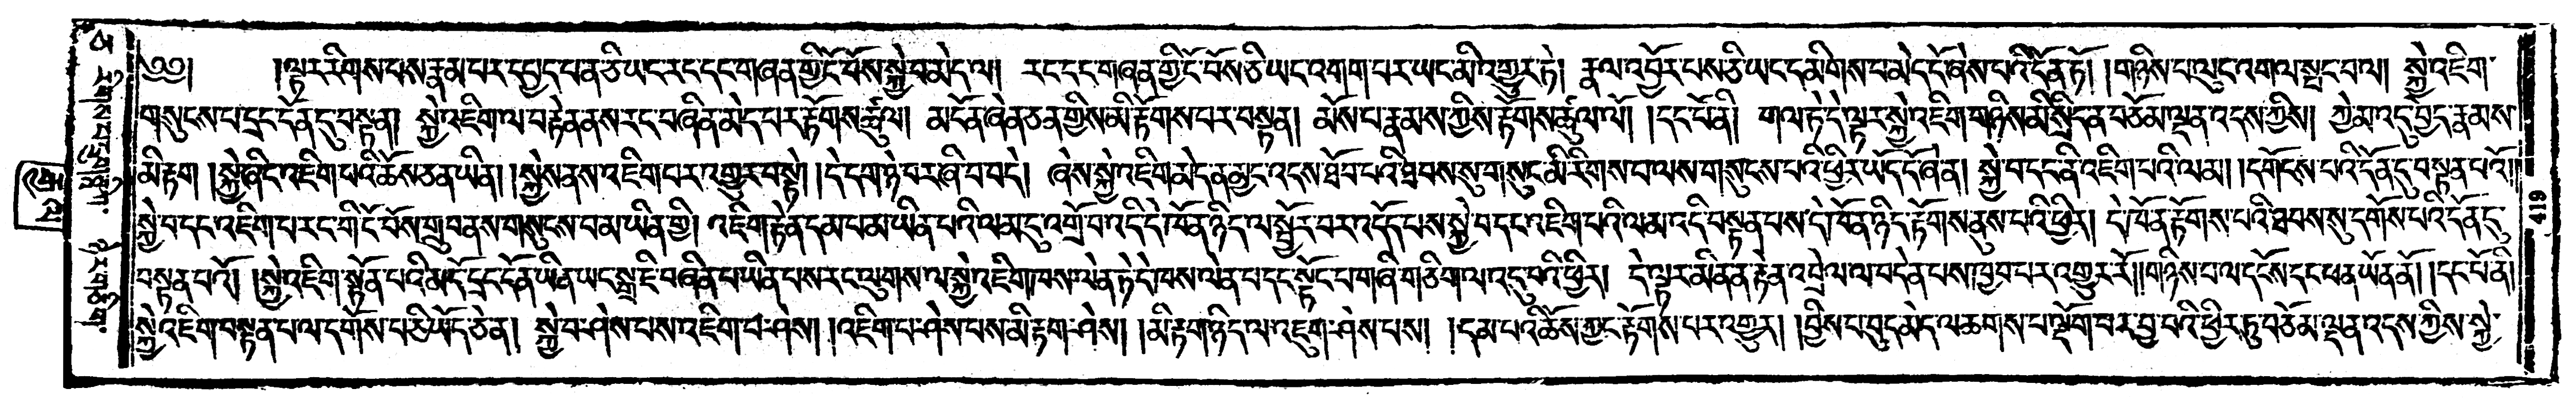༄༅། །ལྟར་རིགས་པས་རྣམ་པར་དཔྱད་པ་ན་ཅི་ཡང་རང་དང་གཞན་གྱི་ངོ་བོས་སྐྱེ་བ་མེད་ལ། རང་དང་གཞན་གྱི་ངོ་བོས་ཅི་ཡང་འགག་པར་ཡང་མི་འགྱུར་ཏེ། རྣལ་འབྱོར་པས་ཅི་ཡང་དམིགས་པ་མེད་དོ་ཞེས་པའི་དོན་ཏོ། །གཉིས་པ་ལུང་འགལ་སྤང་བ་ལ། སྐྱེ་འཇིག་
གསུངས་པ་དྲང་དོན་དུ་བསྟན། སྐྱེ་འཇིག་ལ་བརྟེན་ནས་རང་བཞིན་མེད་པར་རྟོགས་ཚུལ། མངོན་ཞེན་ཅན་གྱིས་མི་རྟོགས་པར་བསྟན། མོས་པ་རྣམས་ཀྱིས་རྟོགས་ཚུལ་ལོ། །དང་པོ་ནི། གལ་ཏེ་དེ་ལྟར་སྐྱེ་འཇིག་གཉིས་མི་སྲིད་ན་བཅོམ་ལྡན་འདས་ཀྱིས། ཀྱེ་མ་འདུ་བྱེད་རྣམས་
མི་རྟག །སྐྱེ་ཞིང་འཇིག་པའི་ཆོས་ཅན་ཡིན། །སྐྱེས་ནས་འཇིག་པར་འགྱུར་བ་སྟེ། །དེ་དག་ཉེ་བར་ཞི་བ་བདེ། ཞེས་སྐྱེ་འཇིག་མེད་ན་མྱང་འདས་ཐོབ་པའི་ཐབས་སུ་གསུང་མི་རིགས་པ་ལས་གསུངས་པའི་ཕྱིར་ཡོད་དོ་ཞེ་ན། སྐྱེ་བ་དང་ནི་འཇིག་པའི་ལམ། །དགོངས་པའི་དོན་དུ་བསྟན་པའོ།།
སྐྱེ་བ་དང་འཇིག་པ་རང་གི་ངོ་བོས་གྲུབ་ནས་གསུངས་པ་མ་ཡིན་གྱི། འཇིག་རྟེན་དམ་པ་མ་ཡིན་པའི་ལམ་དུ་འགྲོ་བ་འདི་དེ་ཁོ་ན་ཉིད་ལ་སྦྱོར་བར་འདོད་པས་སྐྱེ་བ་དང་འཇིག་པའི་ལམ་འདི་བསྟན་པས་དེ་ཁོ་ན་ཉིད་རྟོགས་ནུས་པའི་ཕྱིར། དེ་ཁོ་ན་རྟོགས་པའི་ཐབས་སུ་དགོས་པའི་དོན་དུ་
བསྟན་པའོ། །སྐྱེ་འཇིག་སྟོན་པའི་མདོ་དྲང་དོན་ཡིན་ཡང་སྒྲ་ཇི་བཞིན་པ་ཡིན་པས་རང་ལུགས་ལ་སྐྱེ་འཇིག་ཁས་ལེན་ཏེ་དེ་ཁས་ལེན་པ་དང་སྟོང་པ་གཞི་གཅིག་ལ་འདུ་བའི་ཕྱིར། དེ་ལྟར་མིན་ན་རྟེན་འབྲེལ་ལ་བདེན་པས་ཁྱབ་པར་འགྱུར་རོ། །གཉིས་པ་ལ་དངོས་དང་ཕན་ཡོན་ནོ། །དང་པོ་ནི།
སྐྱེ་འཇིག་བསྟན་པ་ལ་དགོས་པ་ཅི་ཡོད་ཅེ་ན། སྐྱེ་བ་ཤེས་པས་འཇིག་པ་ཤེས། །འཇིག་པ་ཤེས་པས་མི་རྟག་ཤེས། །མི་རྟག་ཉིད་ལ་འཇུག་ཤེས་པས། །དམ་པའི་ཆོས་ཀྱང་རྟོགས་པར་འགྱུར། །བྱིས་པ་བུད་མེད་ལ་ཆགས་པ་ལྡོག་པར་བྱ་བའི་ཕྱིར་ཏུ་བཅོམ་ལྡན་འདས་ཀྱིས་སྐྱེ་